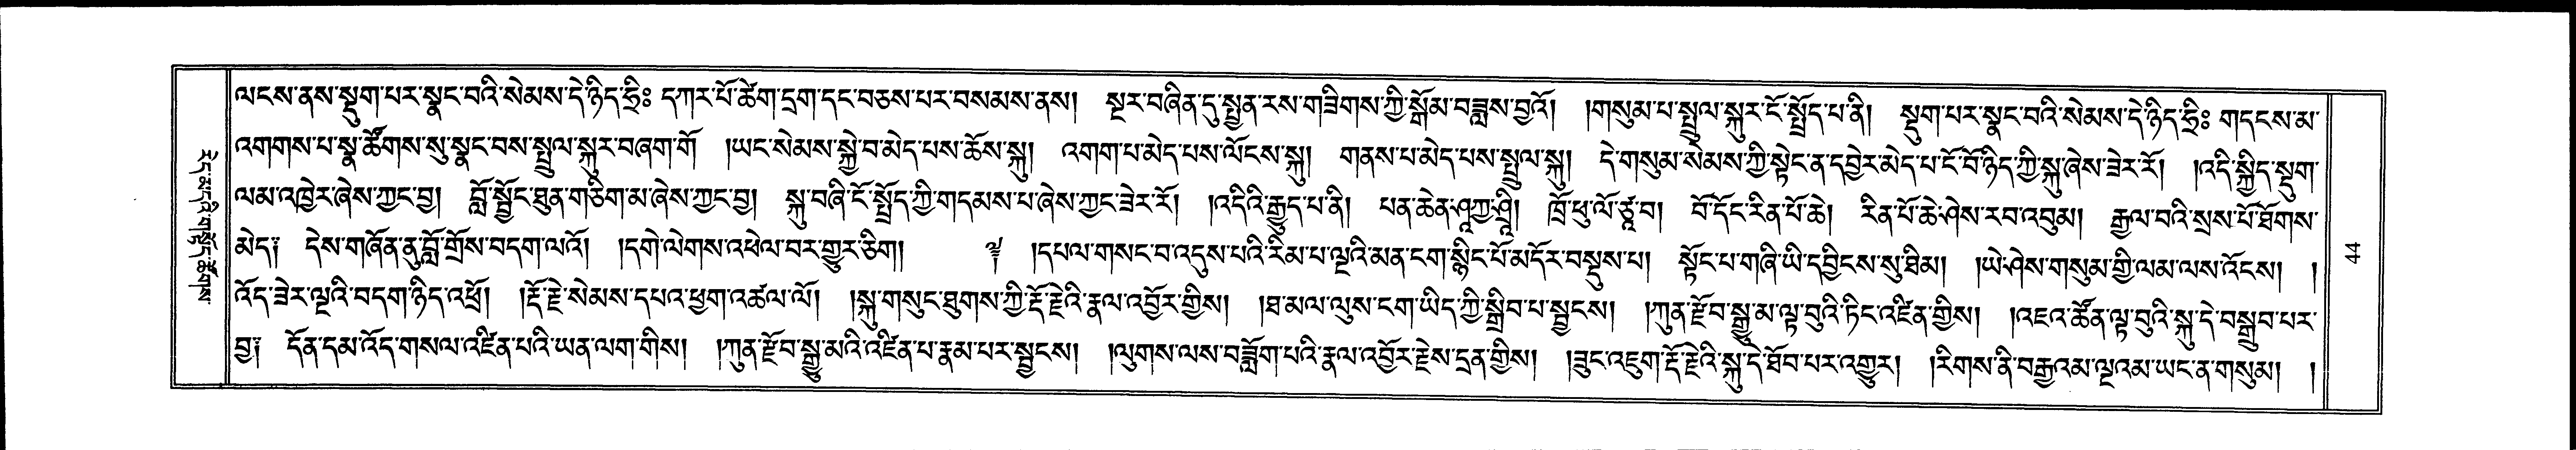ལངས་ནས་སྡུག་པར་སྣང་བའི་སེམས་དེ་ཉིད་ཧྲིཿ དཀར་པོ་ཚེག་དྲག་དང་བཅས་པར་བསམས་ནས། སྔར་བཞིན་དུ་སྤྱན་རས་གཟིགས་ཀྱི་སྒོམ་བཟླས་བྱའོ། །གསུམ་པ་སྤྲུལ་སྐུར་ངོ་སྤྲོད་པ་ནི། སྡུག་པར་སྣང་བའི་སེམས་དེ་ཉིད་ཧྲིཿ གདངས་མ་
འགགས་པ་སྣ་ཚོགས་སུ་སྣང་བས་སྤྲུལ་སྐུར་བཞག་གོ །ཡང་སེམས་སྐྱེ་བ་མེད་པས་ཆོས་སྐུ། འགག་པ་མེད་པས་ལོངས་སྐུ། གནས་པ་མེད་པས་སྤྲུལ་སྐུ། དེ་གསུམ་སེམས་ཀྱི་སྟེང་ན་དབྱེར་མེད་པ་ངོ་བོ་ཉིད་ཀྱི་སྐུ་ཞེས་ཟེར་རོ། །འདི་སྐྱིད་སྡུག་
ལམ་འཁྱེར་ཞེས་ཀྱང་བྱ། བློ་སྦྱོང་ཐུན་གཅིག་མ་ཞེས་ཀྱང་བྱ། སྐུ་བཞི་ངོ་སྤྲོད་ཀྱི་གདམས་པ་ཞེས་ཀྱང་ཟེར་རོ། །འདིའི་རྒྱུད་པ་ནི། པན་ཆེན་ཤཱཀྱ་ཤྲཱི། ཁྲོ་ཕུ་ལོ་ཙཱ་བ། བོ་དོང་རིན་པོ་ཆེ། རིན་པོ་ཆེ་ཤེས་རབ་འབུམ། རྒྱལ་བའི་སྲས་པོ་ཐོགས་
མེད། དེས་གཞོན་ནུ་བློ་གྲོས་བདག་ལའོ། །དགེ་ལེགས་འཕེལ་བར་གྱུར་ཅིག། ༈ །དཔལ་གསང་བ་འདུས་པའི་རིམ་པ་ལྔའི་མན་ངག་སྙིང་པོ་མདོར་བསྡུས་པ། སྟོང་པ་གཞི་ཡི་དབྱིངས་སུ་ཐིམ། །ཡེ་ཤེས་གསུམ་གྱི་ལམ་ལས་འོངས། །
འོད་ཟེར་ལྔའི་བདག་ཉིད་འཕྲོ། །རྡོ་རྗེ་སེམས་དཔའ་ཕྱག་འཚལ་ལོ། །སྐུ་གསུང་ཐུགས་ཀྱི་རྡོ་རྗེའི་རྣལ་འབྱོར་གྱིས། །ཐ་མལ་ལུས་ངག་ཡིད་ཀྱི་སྒྲིབ་པ་སྦྱངས། །ཀུན་རྫོབ་སྒྱུ་མ་ལྟ་བུའི་ཏིང་འཛིན་གྱིས། །འཇའ་ཚོན་ལྟ་བུའི་སྐུ་དེ་བསྒྲུབ་པར་
བྱ། དོན་དམ་འོད་གསལ་འཛིན་པའི་ཡན་ལག་གིས། །ཀུན་རྫོབ་སྒྱུ་མའི་འཛིན་པ་རྣམ་པར་སྦྱངས། །ལུགས་ལས་བཟློག་པའི་རྣལ་འབྱོར་རྗེས་དྲན་གྱིས། །ཟུང་འཇུག་རྡོ་རྗེའི་སྐུ་དེ་ཐོབ་པར་འགྱུར། །རིགས་ནི་བརྒྱའམ་ལྔའམ་ཡང་ན་གསུམ། །